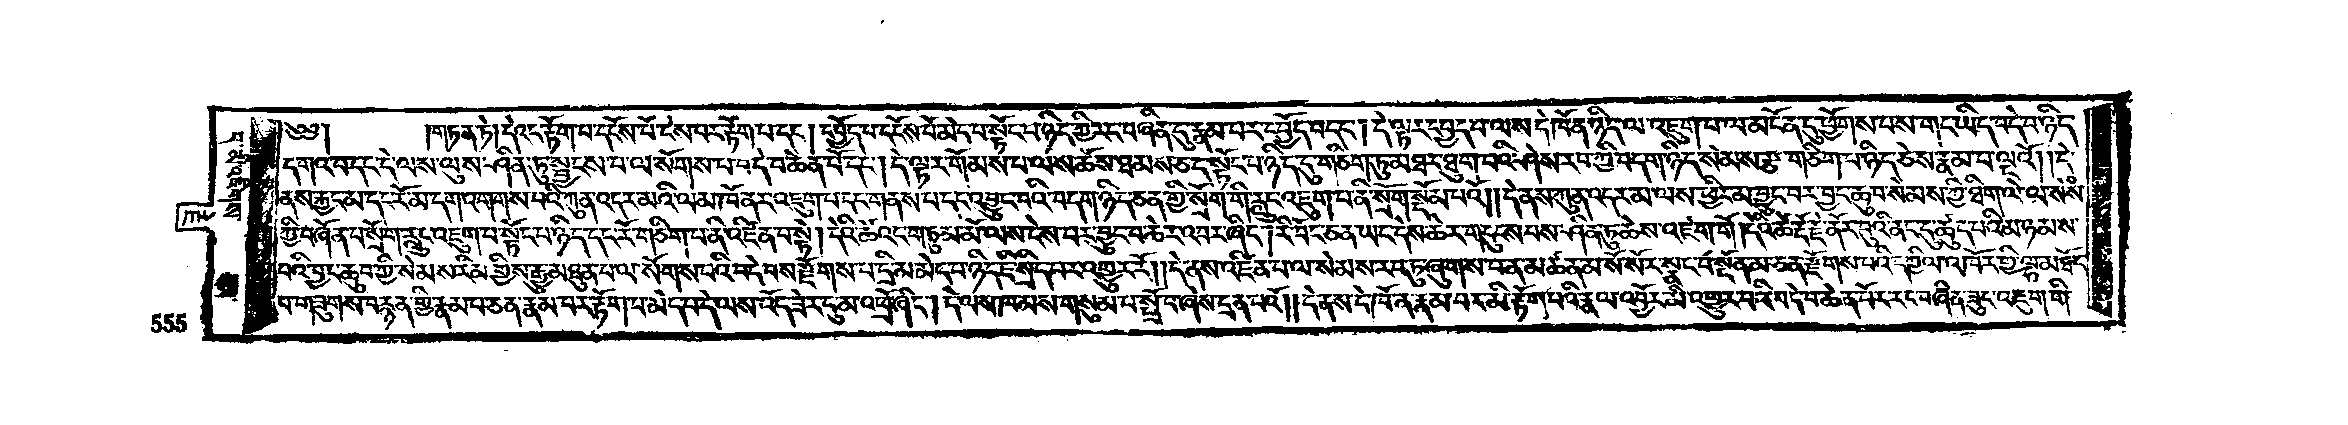༄༅། །གཏན་ཏེ། དེའང་རྟོག་པ་དངོས་པོ་ངེས་པར་རྟོག་པ་དང་། དཔྱོད་པ་དངོས་པོ་མེད་པ་སྟོང་པ་ཉིད་ཀྱི་རང་བཞིན་དུ་རྣམ་པར་དཔྱོད་པ་དང་། དེ་ལྟར་དཔྱད་པ་ལས་དེ་ཁོ་ན་ཉིད་ལ་འཇུག་པ་ལ་མངོན་དུ་ཕྱོགས་པས་གང་ཡིད་བདེ་བ་ཉིད་
དགའ་བ་དང་དེ་ལས་ལུས་ཤིན་ཏུ་སྦྱངས་པ་ལ་སོགས་པ་བདེ་བ་ཆེན་པོ་དང་། དེ་ལྟར་གོམས་པ་ལས་ཆོས་ཐམས་ཅད་སྟོང་པ་ཉིད་དུ་གཅིག་ཏུ་མཐར་ཐུག་པའི་ཤེས་རབ་ཀྱི་བདག་ཉིད་སེམས་རྩ་གཅིག་པ་ཉིད་ཅེས་རྣམ་པ་ལྔའོ། །དེ་
ནས་རྐྱང་མ་དང་རོ་མ་དག་འགགས་པའི་ཀུན་འདར་མའི་ལམ་ཁོ་ནར་འཇུག་པ་དང་གནས་པ་དང་འབྱུང་བའི་བདག་ཉིད་ཅན་གྱི་སྲོག་གི་རླུང་འཇུག་པ་ནི་སྲོག་སྡོམ་པའོ། །དེ་ནས་ཀུན་འདར་མ་ལས་ཕྱིར་མ་བྱུང་བར་བྱང་ཆུབ་སེམས་ཀྱི་ཐིག་ལེ་ལ་སེམས་
ཀྱི་བཞོན་པ་སྲོག་རླུང་འཇུག་པ་སྟོང་པ་ཉིད་དང་རོ་གཅིག་པ་ནི་འཛིན་པ་སྟེ། དེའི་ཚེའང་གཏུམ་མོ་ལས་ངེས་པར་བྱུང་བ་ཆེར་འབར་ཞིང་། རི་བོང་ཅན་ཡང་དེས་ཆེར་གདུངས་པས་ཤིན་ཏུ་ཆེས་འཛག་གོ །དེའི་ཚེ་རྡོ་རྗེ་ནོར་བུའི་ནང་དུ་ཚུད་པའི་མ་ཉམས་
པའི་བྱང་ཆུབ་ཀྱི་སེམས་རིམ་གྱིས་རྒྱུ་མཐུན་པ་ལ་སོགས་པའི་བདེ་བས་རྫོགས་པ་དྲི་མ་མེད་པ་ཉིད་ཇི་སྲིད་པར་འགྱུར་རོ། །དེ་ནས་འཛིན་པ་ལ་སེམས་རབ་ཏུ་ཞུགས་པ་ན་མཚན་མ་སོ་སོར་སྣང་བ་སྔོན་མ་ཅན་རྫོགས་པའི་དཀྱིལ་འཁོར་གྱི་ལྷ་མཐོང་
བ་གཟུགས་བརྙན་གྱི་རྣམ་པ་ཅན་རྣམ་པར་རྟོག་པ་མེད་པ་དེ་ལས་འོད་ཟེར་དུ་མ་འཕྲོ་ཞིང་། དེ་ལས་ཁམས་གསུམ་པ་སྤྲོ་བ་ཞེས་དྲན་པའོ། །དེ་ནས་དེ་ཁོ་ན་རྣམ་པར་མི་རྟོག་པའི་རྣལ་འབྱོར་མི་འགྱུར་བའི་བདེ་བ་ཆེན་པོར་རང་བཞིན་ཟུང་འཇུག་གི་